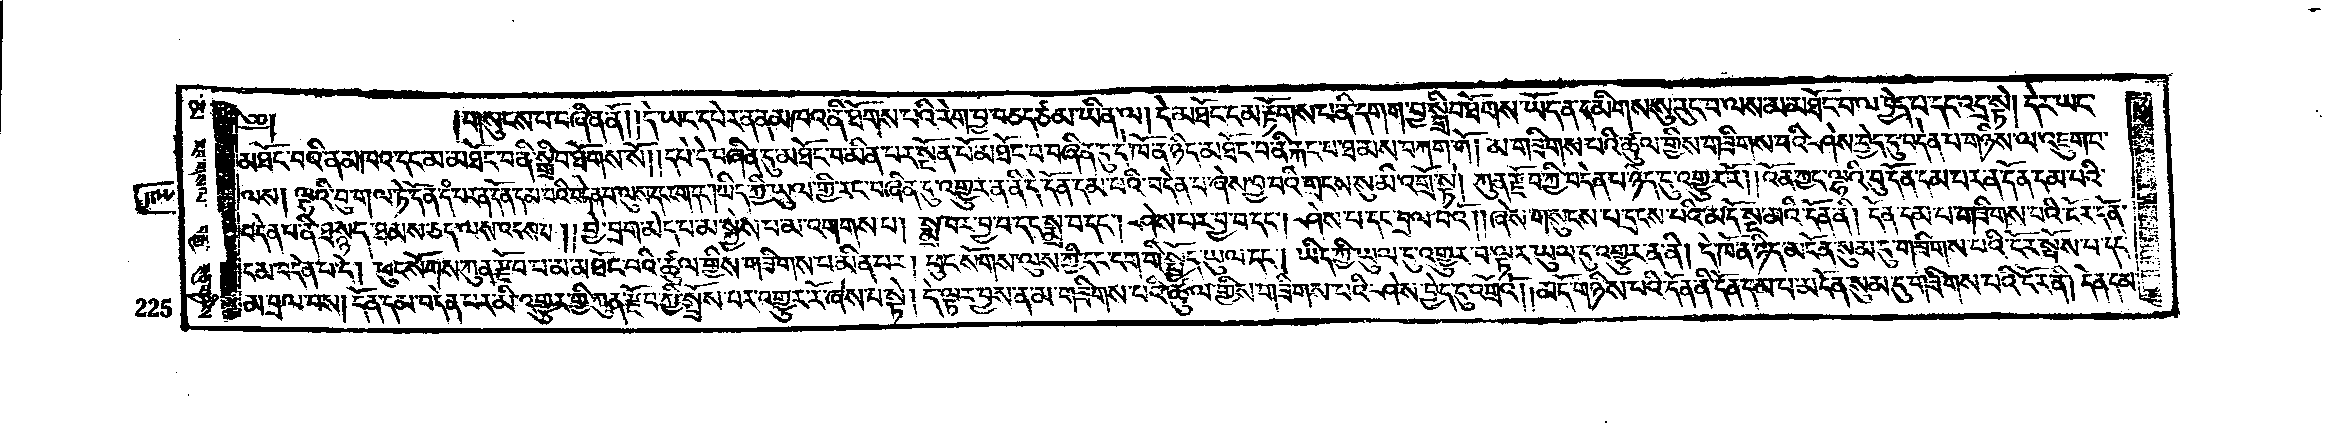༄༅། །གསུངས་པ་བཞིན་ནོ། །དེ་ཡང་དཔེར་ན་ནམ་མཁའ་ནི་ཐོགས་པའི་རེག་བྱ་བཅད་ཙམ་ཡིན་ལ། དེ་མཐོང་ངམ་རྟོགས་པ་ནི་དགག་བྱ་སྒྲིབ་ཐོགས་ཡོད་ན་དམིགས་སུ་རུང་བ་ལས་མ་མཐོང་བ་ལ་བྱེད་པ་དང་འདྲ་སྟེ། དེར་ཡང་
མཐོང་བའི་ནམ་མཁའ་དང་མ་མཐོང་བ་ནི་སྒྲིབ་ཐོགས་སོ། །དཔེ་དེ་བཞིན་དུ་མཐོང་བ་མིན་པར་སྔོན་པོ་མཐོང་བ་བཞིན་དུ་དེ་ཁོ་ན་ཉིད་མཐོང་བ་ནི་རྐང་པ་ཐ་མས་བཀག་གོ །མ་གཟིགས་པའི་ཚུལ་གྱིས་གཟིགས་པའི་ཤེས་བྱེད་དུ་བདེན་པ་གཉིས་ལ་འཇུག་པ་
ལས། ལྷའི་བུ་གལ་ཏེ་དོན་དམ་པར་ན་དོན་དམ་པའི་བདེན་པ་ལུས་དང་ངག་དང་། ཡིད་ཀྱི་ཡུལ་གྱི་རང་བཞིན་དུ་འགྱུར་ན་ནི་དེ་དོན་དམ་པའི་བདེན་པ་ཞེས་བྱ་བའི་གྲངས་སུ་མི་འགྲོ་སྟེ། ཀུན་རྫོབ་ཀྱི་བདེན་པ་ཉིད་དུ་འགྱུར་རོ། །འོན་ཀྱང་ལྷའི་བུ་དོན་དམ་པར་ན་དོན་དམ་པའི་
བདེན་པ་ནི་ཐ་སྙད་ཐམས་ཅད་ལས་འདས་པ། །བྱེ་བྲག་མེད་པ་མ་སྐྱེས་པ་མ་འགགས་པ། སྨྲ་བར་བྱ་བ་དང་སྨྲ་བ་དང་། ཤེས་པར་བྱ་བ་དང་། ཤེས་པ་དང་བྲལ་བའོ། །ཞེས་གསུངས་པ་དྲངས་པའི་མདོ་སྔ་མའི་དོན་ནི། དོན་དམ་པ་གཟིགས་པའི་ངོར་དོན་
དམ་བདེན་པ་དེ། ཕུང་སོགས་ཀུན་རྫོབ་པ་མ་མཐོང་བའི་ཚུལ་གྱིས་གཟིགས་པ་མིན་པར། ཕུང་སོགས་ལུས་ཀྱི་དང་ངག་གི་སྤྱོད་ཡུལ་དང་། ཡིད་ཀྱི་ཡུལ་དུ་འགྱུར་བ་ལྟར་ཡུལ་དུ་འགྱུར་ན་ནི། དེ་ཁོ་ན་ཉིད་མངོན་སུམ་དུ་གཟིགས་པའི་ངོར་སྤྲོས་པ་དང་
མ་བྲལ་བས། དོན་དམ་བདེན་པར་མི་འགྱུར་གྱི་ཀུན་རྫོབ་ཀྱི་སྤྲོས་པར་འགྱུར་རོ་ཞེས་པ་སྟེ། དེ་ལྟར་བྱས་ན་མ་གཟིགས་པའི་ཚུལ་གྱིས་གཟིགས་པའི་ཤེས་བྱེད་དུ་འགྲོའོ། །མདོ་གཉིས་པའི་དོན་ནི་དོན་དམ་པ་མངོན་སུམ་དུ་གཟིགས་པའི་ངོར་ནི། དོན་དམ་